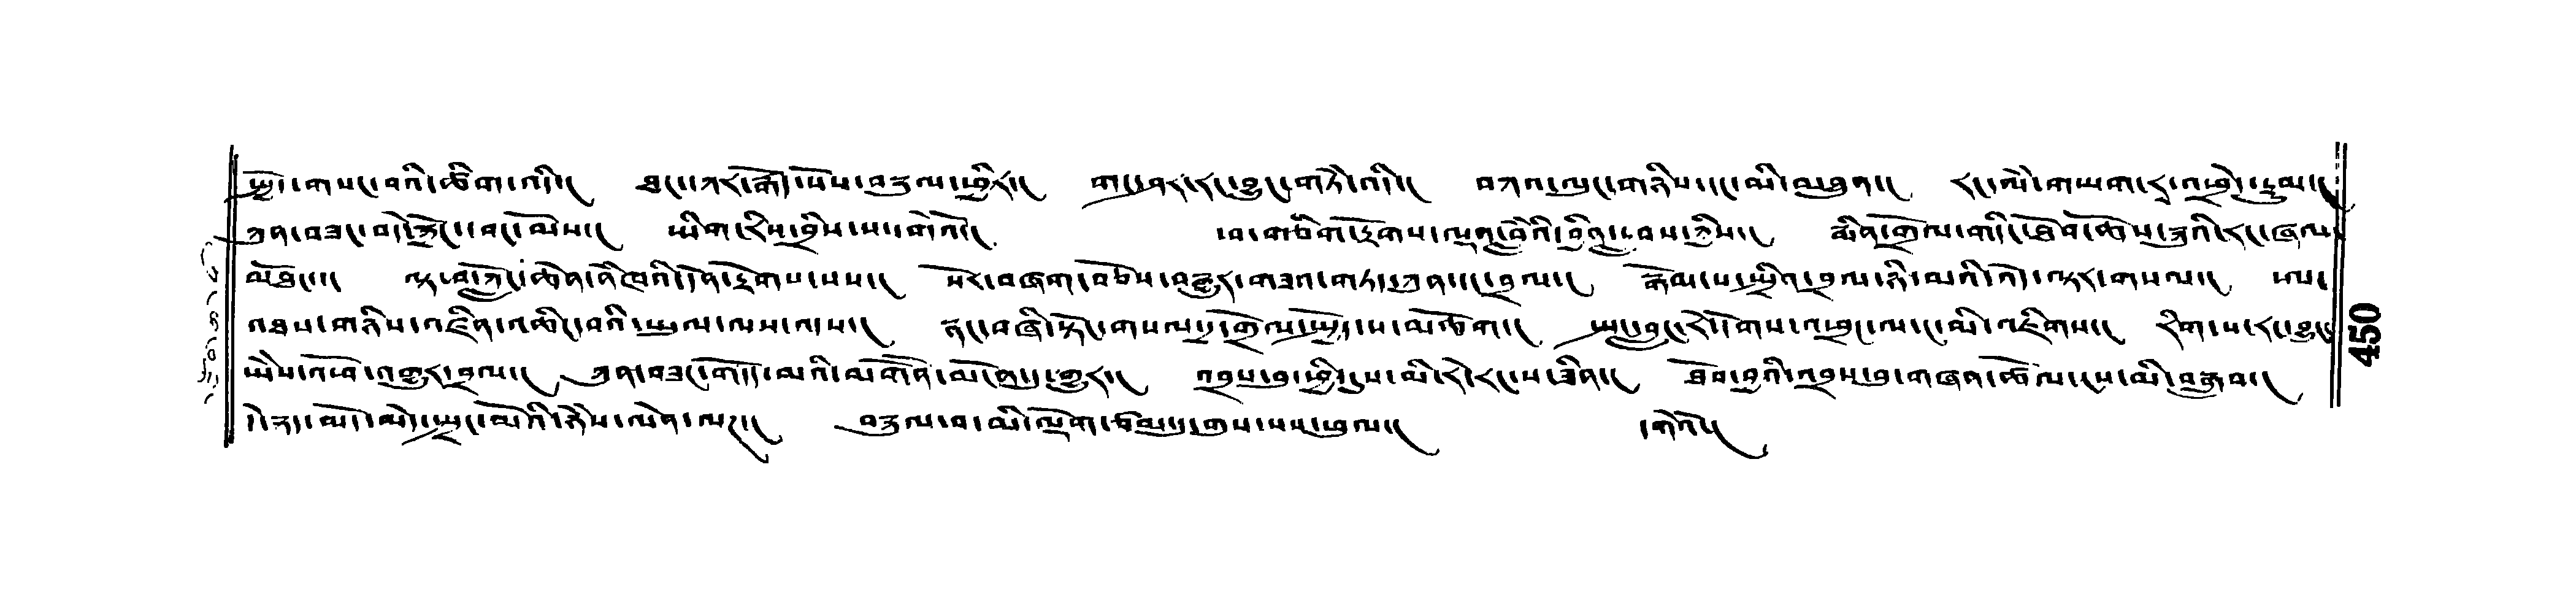སྤྱོད་གསང་བའི་ཚིག་འདི། །ཐང་དཀར་རྒོད་པོས་བསྐུལ་ཕྱིར། །གང་ཤར་རང་བྱུང་གཏམ་འདིེ། །བཀའ་ལུང་གཉིས་དང་མི་མཐུན། །རང་ལམ་གཡག་རྭ་འཕྲེད་རྡུམ། །
ཀུན་བཟང་བདེ་སྐྱོང་དབང་མོས། །ཡིག་རིས་བྲིས་པ་དགེའོ།། ༈ ཕ་གཅིག་རྟོགས་ལྡན་བླ་མའི་བྱིན་རླབས་ཀྱིས། །སྨིན་གྲོལ་གདིང་ཐོབ་ཆོས་སྐུའི་རང་ཞལ་
མཐོང་། །ལྟ་བ་ཀློང་ཆེན་ནམ་མཁའི་དོན་རྟོགས་པས། །སོར་བཞག་བཅོས་བསྒྱུར་གཟའ་གཏད་ཀུན་དང་བྲལ། །སྒོམ་པ་སྤྲིན་བྲལ་ཉི་མའི་འོད་ལྟར་གསལ། །ཨ་
འཐས་གཉིས་འཛིན་འཆིང་བའི་ཡུལ་ལས་འདས། །སྣང་བཞི་སྟོང་གསལ་རྒྱ་གྲོལ་སྤྱོད་པ་མཆོག །སྤང་བླང་རེ་དོགས་འཕྲང་ལ་ང་མི་འཇིགས། །རིག་པ་རང་བྱུང་
ཡེ་ཤེས་འཕོ་འགྱུར་བྲལ། །ཀུན་བཟང་གདོད་མའི་མགོན་པོ་མངོན་དུ་གྱུར། །འབྲས་བུ་ཕྱི་དུས་མི་རེ་རང་ས་ཟིན། །ཐོབ་བྱའི་འབྲས་བུ་གཞན་འཚོལ་ངས་མི་བསྒྲུབ། །
དེ་སྐད་མདོ་མེད་སྤྲང་མོའི་ཉམས་ལེན་ལགས། ། བསྐུལ་བ་མ་ལྡོག་ཙམ་དུ་གུས་པས་ཕུལ། དགེའོ།།